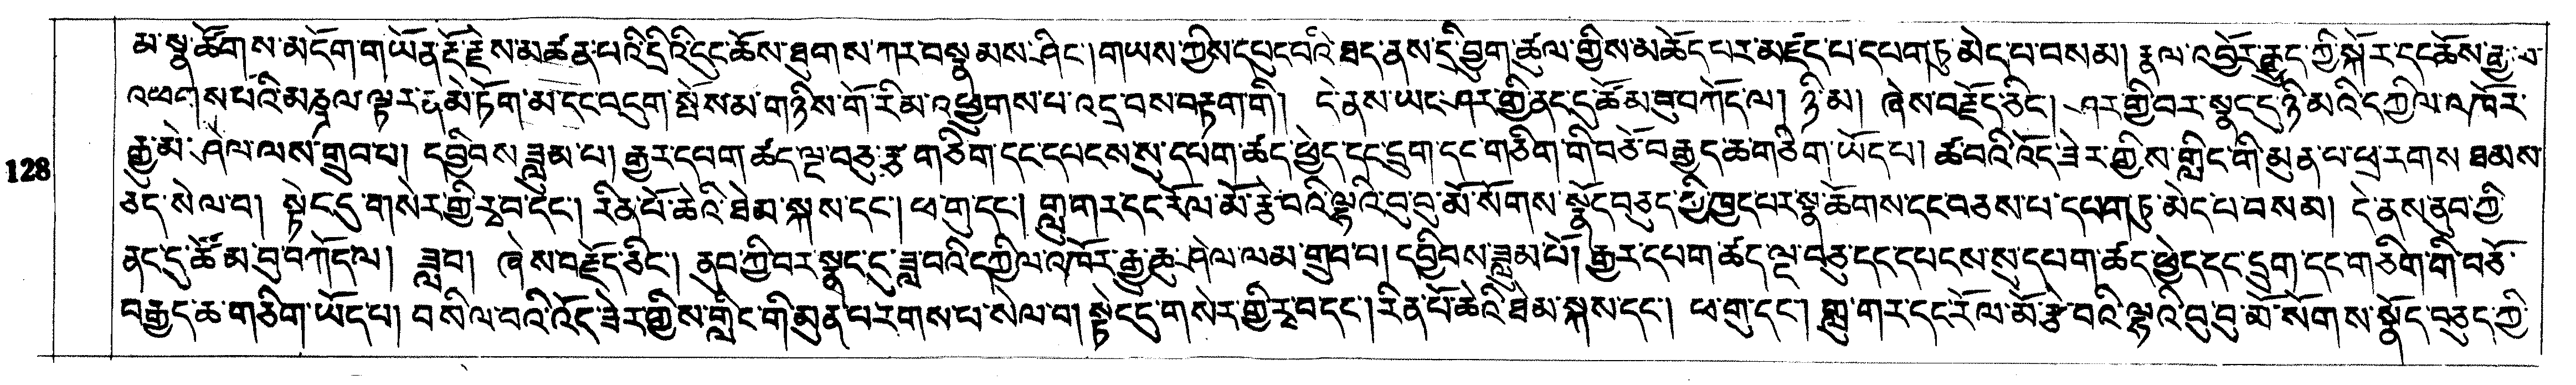མ་སྣ་ཚོགས་མདོག་གཡོན་རྡོ་རྗེས་མཚན་པའི་དྲིའི་དུང་ཆོས་ཐུགས་ཀར་བསྣམས་ཤིང་། གཡས་ཀྱིས་དཔུང་བའི་ཐད་ནས་དྲི་བྱུག་ཚུལ་གྱིས་མཆོད་པར་མཛད་པ་དཔག་ཏུ་མེད་པ་བསམ། རྣལ་འབྱོར་རྒྱུད་ཀྱི་སྐོར་དང་ཆོས་རྒྱལ་
འཕགས་པའི་མཎྜལ་ལྟར་ན་མེ་ཏོག་མ་དང་བདུག་སྤོས་མ་གཉིས་གོ་རིམ་འཕྱུགས་པ་འདྲ་བས་བརྟག་གི། དེ་ནས་ཡང་ཤར་གྱི་ནང་དུ་ཚོམ་བུ་བཀོད་ལ། ཉི་མ། ཞེས་བརྗོད་ཅིང་། ཤར་གྱི་བར་སྣང་དུ་ཉི་མའི་དཀྱིལ་འཁོར་
རྒྱུ་མེ་ཤེལ་ལས་གྲུབ་པ། དབྱིབས་ཟླུམ་པ། རྒྱར་དཔག་ཚད་ལྔ་བཅུ་རྩ་གཅིག་དང་དཔངས་སུ་དཔག་ཚད་ཕྱེད་དང་དྲུག་དང་གཅིག་གི་བཅོ་བརྒྱད་ཆ་གཅིག་ཡོད་པ། ཚ་བའི་འོད་ཟེར་གྱིས་གླིང་གི་མུན་པ་ཕྲ་རགས་ཐམས་
ཅད་སེལ་བ། སྟེང་དུ་གསེར་གྱི་རྭ་བ་དང་། རིན་པོ་ཆེའི་ཐེམ་སྐས་དང་། ཕ་གུ་དང་། གླུ་གར་དང་རོལ་མོ་རྩེ་བའི་ལྷའི་བུ་བུ་མོ་སོགས་སྣོད་བཅུད་ཀྱི་ཁྱད་པར་སྣ་ཚོགས་དང་བཅས་པ་དཔག་ཏུ་མེད་པ་བསམ། དེ་ནས་ནུབ་ཀྱི་
ནང་དུ་ཚོམ་བུ་བཀོད་ལ། ཟླ་བ། ཞེས་བརྗོད་ཅིང་། ནུབ་ཀྱི་བར་སྣང་དུ་ཟླ་བའི་དཀྱིལ་འཁོར་རྒྱུ་ཆུ་ཤེལ་ལམ་གྲུབ་པ། དབྱིབས་ཟླུམ་པོ། རྒྱར་དཔག་ཚད་ལྔ་བཅུ་དང་དཔངས་སུ་དཔག་ཚད་ཕྱེད་དང་དྲུག་དང་གཅིག་གི་བཅོ་
བརྒྱད་ཆ་གཅིག་ཡོད་པ། བསིལ་བའི་འོད་ཟེར་གྱིས་གླིང་གི་མུན་པ་རགས་པ་སེལ་བ། སྟེང་དུ་གསེར་གྱི་རྭ་བ་དང་། རིན་པོ་ཆེའི་ཐེམ་སྐས་དང་། ཕ་གུ་དང་། གླུ་གར་དང་རོལ་མོ་རྩེ་བའི་ལྷའི་བུ་བུ་མོ་སོགས་སྣོད་བཅུད་ཀྱི་